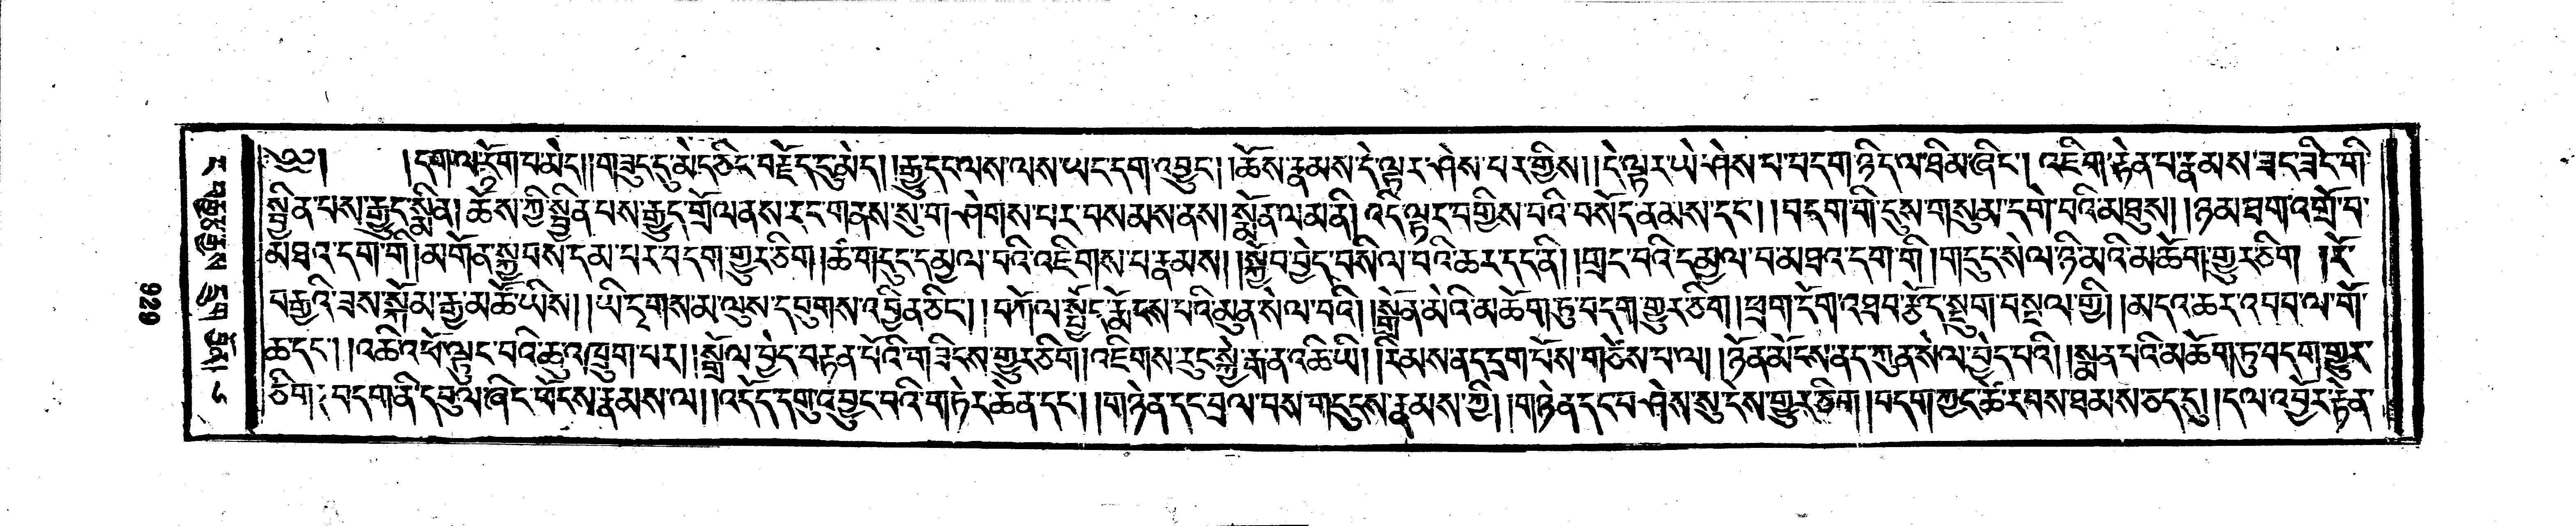༄༅། །དག་ལ་རྙོག་པ་མེད། །གཟུང་དུ་མེད་ཅིང་བརྗོད་དུ་མེད། །རྒྱུ་དང་ལས་ལས་ཡང་དག་འབྱུང་། །ཆོས་རྣམས་དེ་ལྟར་ཤེས་པར་གྱིས། །དེ་ལྟར་ཡེ་ཤེས་པ་བདག་ཉིད་ལ་ཐིམ་ཞིང་། འཇིག་རྟེན་པ་རྣམས་ཟང་ཟིང་གི་
སྦྱིན་པས་རྒྱུད་སྨིན། ཆོས་ཀྱི་སྦྱིན་པས་རྒྱུད་གྲོལ་ནས་རང་གནས་སུ་གཤེགས་པར་བསམས་ནས། སྨོན་ལམ་ནི། འདི་ལྟར་བགྱིས་པའི་བསོད་ནམས་དང་། །བདག་གི་དུས་གསུམ་དགེ་བའི་མཐུས། །ཉམ་ཐག་འགྲོ་བ་
མཐའ་དག་གི །མགོན་སྐྱབས་དམ་པར་བདག་གྱུར་ཅིག །ཚ་གདུང་དམྱལ་བའི་འཇིགས་པ་རྣམས། །སྐྱོབ་བྱེད་བསིལ་བའི་ཆར་དང་ནི། །གྲང་བའི་དམྱལ་བ་མཐའ་དག་གི །གདུང་སེལ་ཉི་མའི་མཆོག་གྱུར་ཅིག །རོ་
བརྒྱའི་ཟས་སྐོམ་རྒྱ་མཚོ་ཡིས། །ཡི་དགས་མ་ལུས་དབུགས་འབྱིན་ཅིང་། །བཀོལ་སྤྱད་རྨོངས་པའི་མུན་སེལ་བའི། །སྒྲོན་མེའི་མཆོག་ཏུ་བདག་གྱུར་ཅིག །ཕྲག་དོག་འཐབ་རྩོད་སྡུག་བསྔལ་གྱི། །མདའ་ཆར་འབབ་ལ་གོ་
ཆ་དང་། །འཆི་འཕོ་ལྟུང་བའི་ཆུ་འཁྲུག་པར། །སྒྲོལ་བྱེད་བརྟན་པོའི་གཟིངས་གྱུར་ཅིག །འཇིགས་རུང་སྐྱེ་རྒ་ན་འཆི་ཡི། །རིམས་ནད་དྲག་པོས་གཙེས་པ་ལ། །ཉོན་མོངས་ནད་ཀུན་སེལ་བྱེད་པའི། །སྨན་པའི་མཆོག་ཏུ་བདག་གྱུར་
ཅིག ༑བདག་ནི་དབུལ་ཞིང་ཕོངས་རྣམས་ལ། །འདོད་དགུ་འབྱུང་བའི་གཏེར་ཆེན་དང་། །གཉེན་དང་བྲལ་བས་གདུངས་རྣམས་ཀྱི། །གཉེན་དང་བཤེས་སུ་ངེས་གྱུར་ཅིག །བདག་ཀྱང་ཚེ་རབས་ཐམས་ཅད་དུ། །དལ་འབྱོར་རྟེན་